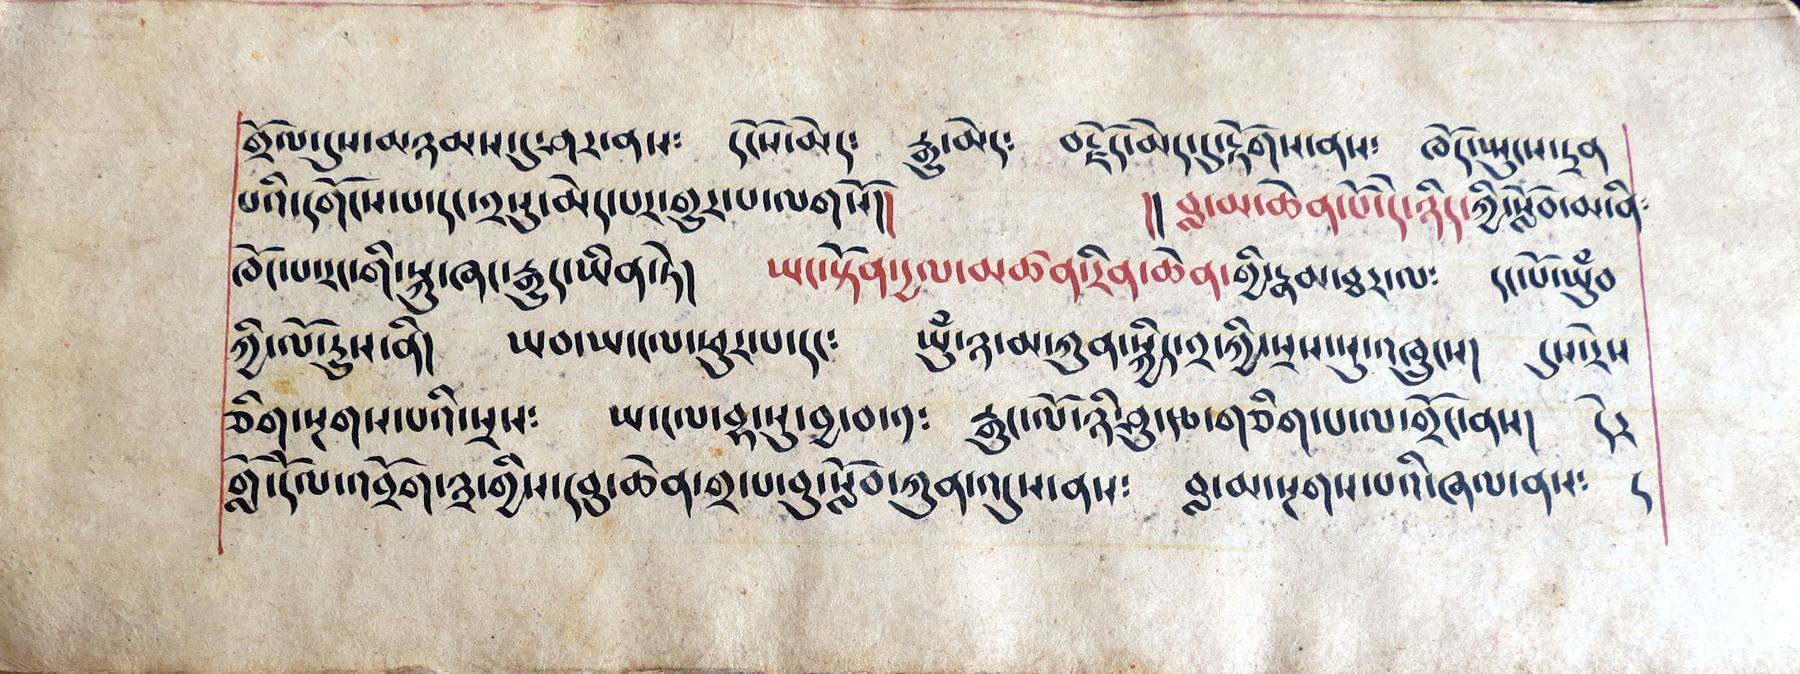གྲོལ་དུས་མཉམ་དུ་ཤར་ནས། དངོས་མེད་རྒྱུ་མེད་བརྗོད་མེད་དུ་རྟོགས་ནས།་ཁོད་སྤུངས་དྲན་
པའི་དགོངས་པ་དང་གཉིས་སུ་མེད་པར་གྱུར་པ་ལགས་སོ། །བླ་མ་ཆེན་པོ་དེ་ཉིད་ཀྱི་སློབ་མ་ནི། 
ཁོང་པ་རང་གི་སྐུ་ཞང་རྒྱུད་ཡིན་ཏེ། ཡང་སྟོན་རྒྱལ་མཚན་རིན་ཆེན་གྱི་རྣམ་ཐར་ལ་ལྔ། དང་པོ་ཡབ་ཡུམ་
གྱི་ལོ་རྒྱུས་ནི། ཡབ་ཡ་ངལ་ཕུར་པ་དང་ཡུམ་ཉ་མ་ཀུན་སྐྱིད་གཉིས་ཀྱི་སྲས་སུ་འཁྲུངས། དུས་རེས་
ཅིག་སྔགས་པའི་སྲས་ཡ་ངལ་བྷ་སུ་བྱ་བ་ཞིག་དགུང་ལོ་ཉི་ཤུ་རྩ་གཅིག་པ་ལ་གྲོངས་ནས། དེར་
གློ་དོལ་འབྲོག་གསུམ་གྱི་དབུ་ཆེན་གྲྭ་པ་བུ་སློབ་ཀུན་འདུས་ནས་ཡོད་པ་ལ། བླ་མ་སྔགས་པའི་ཞལ་ནས། ད་